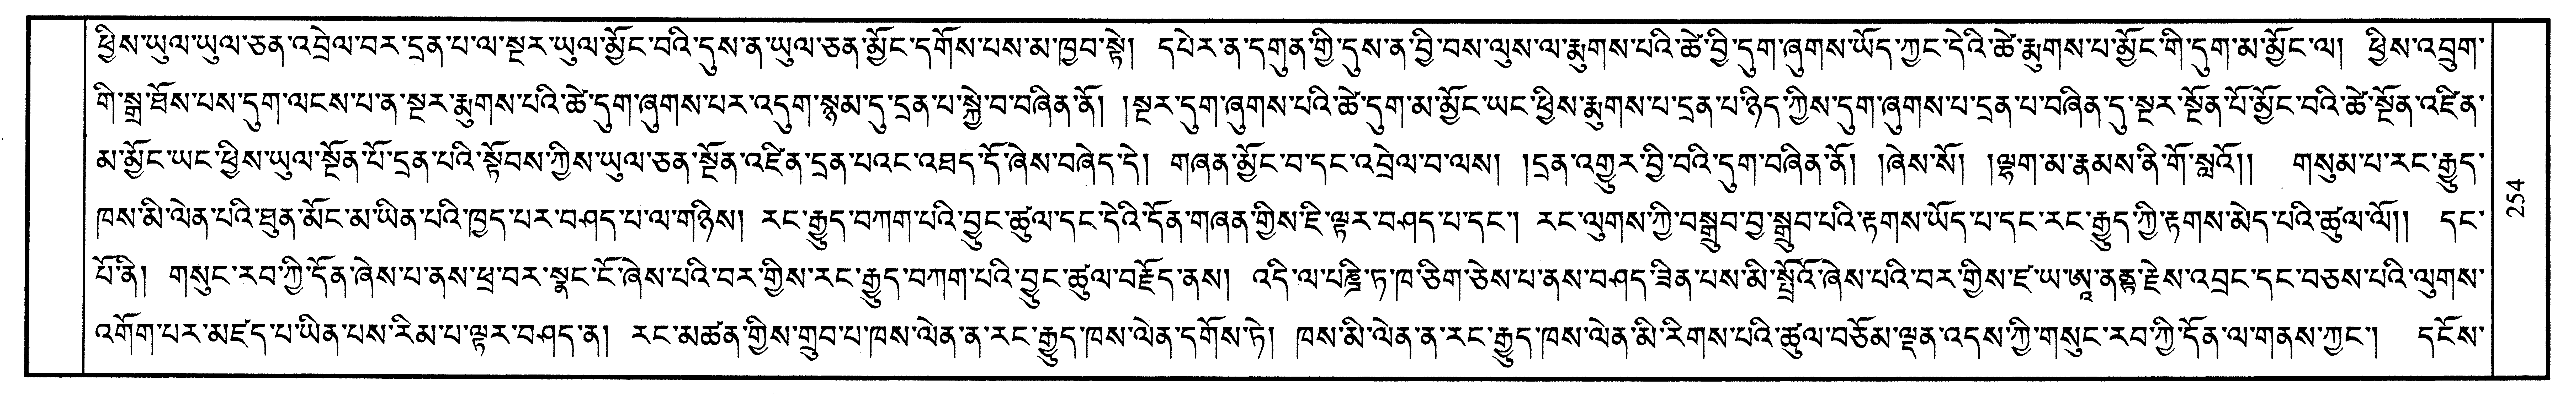ཕྱིས་ཡུལ་ཡུལ་ཅན་འབྲེལ་བར་དྲན་པ་ལ་སྔར་ཡུལ་མྱོང་བའི་དུས་ན་ཡུལ་ཅན་མྱོང་དགོས་པས་མ་ཁྱབ་སྟེ། དཔེར་ན་དགུན་གྱི་དུས་ན་བྱི་བས་ལུས་ལ་རྨུགས་པའི་ཚེ་བྱི་དུག་ཞུགས་ཡོད་ཀྱང་དེའི་ཚེ་རྨུགས་པ་མྱོང་གི་དུག་མ་མྱོང་ལ། ཕྱིས་འབྲུག་
གི་སྒྲ་ཐོས་པས་དུག་ལངས་པ་ན་སྔར་རྨུགས་པའི་ཚེ་དུག་ཞུགས་པར་འདུག་སྙམ་དུ་དྲན་པ་སྐྱེ་བ་བཞིན་ནོ། །སྔར་དུག་པ་ཞུགས་པའི་ཚེ་དུག་མ་མྱོང་ཡང་ཕྱིས་རྨུགས་པ་དྲན་པ་ཉིད་ཀྱིས་དུག་ཞུགས་པ་དྲན་པ་བཞིན་དུ་སྔར་སྔོན་པོ་མྱོང་བའི་ཚེ་སྔོན་འཛིན་
མ་མྱོང་ཡང་ཕྱིས་ཡུལ་སྔོན་པོ་དྲན་པའི་སྟོབས་ཀྱིས་ཡུལ་ཅན་སྔོན་འཛིན་དྲན་པའང་འཐད་དོ་ཞེས་བཞེད་དེ། གཞན་མྱོང་བ་དང་འབྲེལ་བ་ལས། །དྲན་འགྱུར་བྱི་བའི་དུག་བཞིན་ནོ། །ཞེས་སོ། །ལྷག་མ་རྣམས་ནི་གོ་སླའོ།། གསུམ་པ་རང་རྒྱུད་
ཁས་མི་ལེན་པའི་ཐུན་མོང་མ་ཡིན་པའི་ཁྱད་པར་བཤད་པ་ལ་གཉིས། རང་རྒྱུད་བཀག་པའི་བྱུང་ཚུལ་དང་དེའི་དོན་གཞན་གྱིས་ཇི་ལྟར་བཤད་པ་དང་། རང་ལུགས་ཀྱི་བསྒྲུབ་བྱ་སྒྲུབ་པའི་རྟགས་ཡོད་པ་དང་རང་རྒྱུད་ཀྱི་རྟགས་མེད་པའི་ཚུལ་ལོ།། དང་
པོ་ནི། གསུང་རབ་ཀྱི་དོན་ཞེས་པ་ནས་ཕྲ་བར་སྣང་ངོ་ཞེས་པའི་བར་གྱིས་རང་རྒྱུད་བཀག་པའི་བྱུང་ཚུལ་བརྗོད་ནས། འདི་ལ་པཎྜི་ཏ་ཁ་ཅིག་ཅེས་པ་ནས་བཤད་ཟིན་པས་མི་སྤྲོའོ་ཞེས་པའི་བར་གྱིས་ཛ་ཡ་ཨཱ་ནནྟ་རྗེས་འབྲང་དང་བཅས་པའི་ལུགས་
འགོག་པར་མཛད་པ་ཡིན་པས་རིམ་པ་ལྟར་བཤད་ན། རང་མཚན་གྱིས་གྲུབ་པ་ཁས་ལེན་ན་རང་རྒྱུད་ཁས་ལེན་དགོས་ཏེ། ཁས་མི་ལེན་ན་རང་རྒྱུད་ཁས་ལེན་མི་རིགས་པའི་ཚུལ་བཅོམ་ལྡན་འདས་ཀྱི་གསུང་རབ་ཀྱི་དོན་ལ་གནས་ཀྱང་། དངོས་